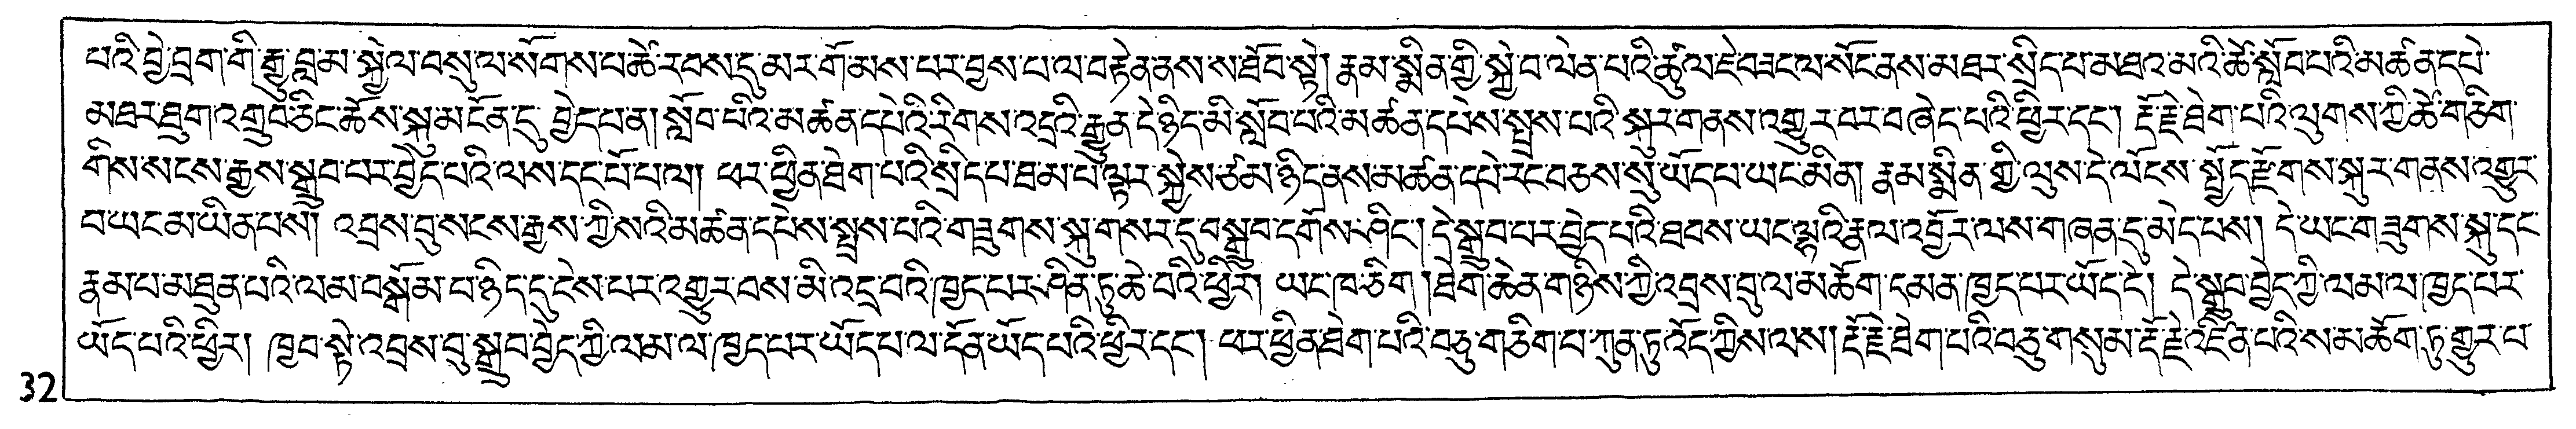པའི་བྱེ་བྲག་གི་རྒྱུ་བླ་མ་སྐྱེལ་བསུ་ལ་སོགས་པ་ཚེ་རབས་དུ་མར་གོ་མས་པར་བྱས་པ་ལ་བརྟེན་ནས་ས་ཐོབ་སྟེ། རྣམ་སྨིན་གྱི་སྐྱེ་བ་ལེན་པའི་ཚུལ་ཇེ་བཟང་ལ་སོང་ནས་མཐར་སྲིད་པ་མཐའ་མའི་ཚེ་སློབ་པའི་མཚན་དཔེ་
མཐར་ཐུག་འགྲུབ་ཅིང་ཆོས་སྐུ་མངོན་དུ་བྱེད་པ་ན། སློབ་པའི་མཚན་དཔེའི་རིགས་འདྲའི་རྒྱུན་དེ་ཉིད་མི་སློབ་པའི་མཚན་དཔེས་སྤྲས་པའི་སྐུར་གནས་འགྱུར་བར་བཞེད་པའི་ཕྱིར་དང་། རྡོ་རྗེ་ཐེག་པའི་ལུགས་ཀྱི་ཚེ་གཅིག་
གིས་སངས་རྒྱས་སྒྲུབ་པར་བྱེད་པའི་ལས་དང་པོ་པ་ལ། ཕར་ཕྱིན་ཐེག་པའི་སྲིད་པ་ཐ་མ་པ་ལྟར་སྐྱེས་ཙམ་ཉིད་ནས་མཚན་དཔེ་རང་བཅས་སུ་ཡོད་པ་ཡང་མིན། རྣམ་སྨིན་གྱི་ལུས་དེ་ལོངས་སྤྱོད་རྫོགས་སྐུར་གནས་འགྱུར་
བ་ཡང་མ་ཡིན་པས། འབྲས་བུ་སངས་རྒྱས་ཀྱི་སའི་མཚན་དཔེས་སྤྲས་པའི་གཟུགས་སྐུ་གསར་དུ་བསྒྲུབ་དགོས་ཤིང་། དེ་སྒྲུབ་པར་བྱེད་པའི་ཐབས་ཡང་ལྷའི་རྣལ་འབྱོར་ལས་གཞན་དུ་མེད་པས། དེ་ཡང་གཟུགས་སྐུ་དང་
རྣམ་པ་མཐུན་པའི་ལམ་བསྒོམ་པ་ཉིད་དུ་ངེས་པར་འགྱུར་བས་མི་འདྲ་བའི་ཁྱད་པར་ཤིན་ཏུ་ཆེ་བའི་ཕྱིར། ཡང་ཁ་ཅིག །ཐེག་ཆེན་གཉིས་ཀྱི་འབྲས་བུ་ལ་མཆོག་དམན་ཁྱད་པར་ཡོད་དེ། དེ་སྒྲུབ་བྱེད་ཀྱི་ལམ་ལ་ཁྱད་པར་
ཡོད་པའི་ཕྱིར། ཁྱབ་སྟེ་འབྲས་བུ་སྒྲུབ་བྱེད་ཀྱི་ལམ་ལ་ཁྱད་པར་ཡོད་པ་ལ་དོན་ཡོད་པའི་ཕྱིར་དང་། ཕར་ཕྱིན་ཐེག་པའི་བཅུ་གཅིག་པ་ཀུན་ཏུ་འོད་ཀྱིས་ལས། རྡོ་རྗེ་ཐེག་པའི་བཅུ་གསུམ་རྡོ་རྗེ་འཛིན་པའི་ས་མཆོག་ཏུ་གྱུར་པ་